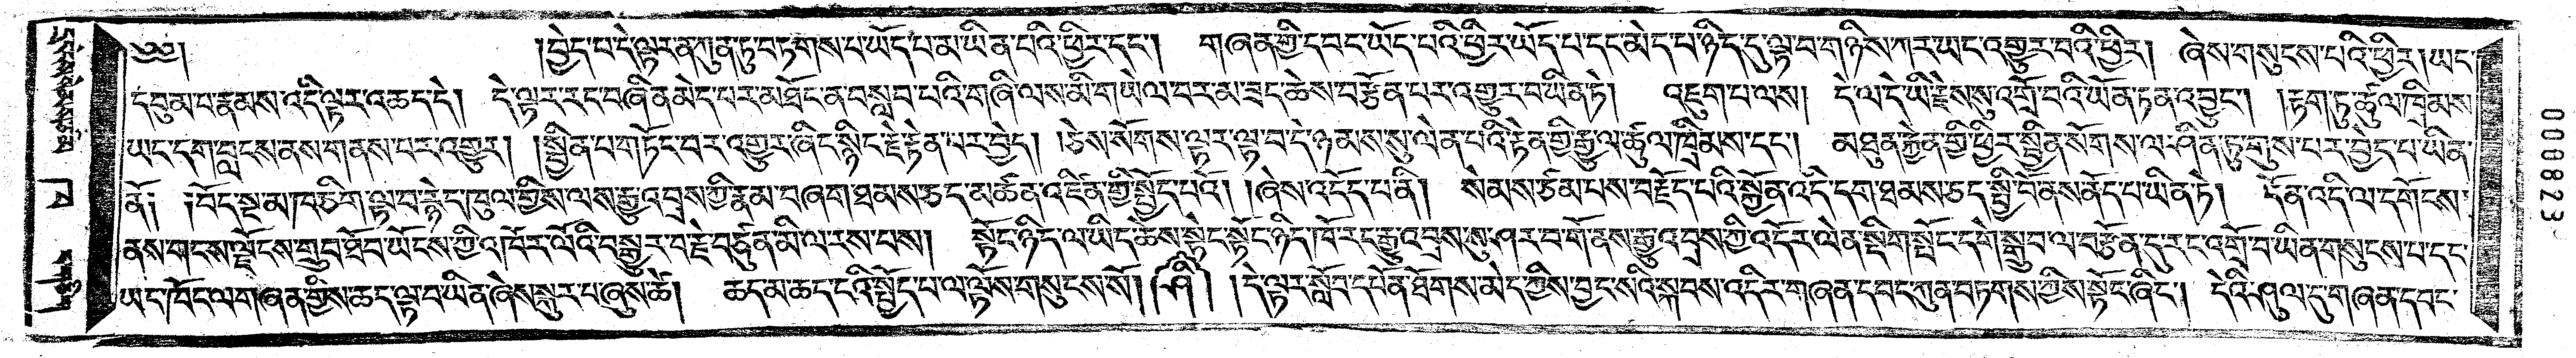༄༅། །བྱེད་པ་དེ་ལྟར་ན་ཀུན་ཏུ་བཏགས་པ་ཡོད་པ་མ་ཡིན་པའི་ཕྱིར་དང་། གཞན་གྱི་དབང་ཡོད་པའི་ཕྱིར་ཡོད་པ་དང་མེད་པ་ཉིད་དུ་ལྟ་བ་གཉིས་ཀར་ཡང་འགྱུར་བའི་ཕྱིར། ཞེས་གསུངས་པའི་ཕྱིར། ཡང་
དབུ་མ་པ་རྣམས་འདི་ལྟར་འཆད་དེ། དེ་ལྟར་རང་བཞིན་མེད་པར་མཐོང་ན་བསླབ་པའི་གཞི་ལས་མི་གཡེལ་བར་མ་ཟད་ཆེས་བརྩོན་པར་འགྱུར་བ་ཡིན་ཏེ། འཇུག་པ་ལས། དེ་ལ་དེ་ཡི་རྗེས་སུ་འགྲོ་བའི་ཡོན་ཏན་འབྱུང་། །རྟག་ཏུ་ཚུལ་ཁྲིམས་
ཡང་དག་བླངས་ནས་གནས་པར་འགྱུར། །སྤྱིན་པ་གཏོང་བར་འགྱུར་ཞིང་སྙིང་རྗེ་རྟེན་པར་བྱེད། །ཅེས་སོགས་ལྟར་ལྟ་བ་དེ་ཉམས་སུ་ལེན་པའི་རྟེན་གྱི་རྒྱུ་ལ་ཚུལ་ཁྲིམས་དང་། མཐུན་རྐྱེན་གྱི་ཕྱིར་སྦྱིན་སོགས་ལ་ཤིན་ཏུ་གུས་པར་བྱེད་པ་ཡིན་
ནོ༑ ༑བོད་སྔ་མ་ཁ་ཅིག་ལྟ་བ་རྙེད་ཁུལ་གྱིས་ལས་རྒྱུ་འབྲས་ཀྱི་རྣམ་བཞག་ཐམས་ཅད་མཚན་འཛིན་གྱི་སྤྱོད་པའོ། །ཞེས་འདོད་པ་ནི། སེམས་ཙམ་པས་བརྗོད་པའི་སྐྱོན་འདི་དག་ཐམས་ཅད་སྤྱི་བོ་ནས་ནོད་པ་ཡིན་ཏེ། དོན་འདི་ལ་དགོངས་
ནས་གངས་ལྗོངས་གྲུབ་ཐོབ་ཡོངས་ཀྱི་འཁོར་ལོའི་བསྒྱུར་བ་རྗེ་བཙུན་མི་ལ་རས་པས། སྟོང་ཉིད་ལ་ཡིད་ཆེས་སྟེང་སྟོང་ཉིད་ཁོ་རང་རྒྱུ་འབྲས་སུ་ཤར་བ་གོ་ནས་རྒྱུ་འབྲས་ཀྱི་འདོར་ལེན་སྡིག་སྤོང་དགེ་སྒྲུབ་ལ་བརྩོན་དུ་རང་འགྲོ་བ་ཡིན་གསུངས་པ་དང་
ཡང་ཁོང་ལ་གཞན་གྱིས་ཆད་ལྟ་བ་ཡིན་ཞེས་སྐུར་བ་ཞུས་ཚེ། ཆད་མ་ཆད་ངའི་སྤྱོད་པ་ལ་ལྟོས་གསུངས་སོ། ༼ཤི༽ །དེ་ལྟར་སློབ་དཔོན་ཐོགས་མེད་ཀྱིས་བྱང་སའི་སྐབས་འདིར་གཞན་དབང་ཀུན་བཏགས་ཀྱིས་སྟོང་ཞིང་། དེའི་ཤུལ་དུ་གཞན་དབང་